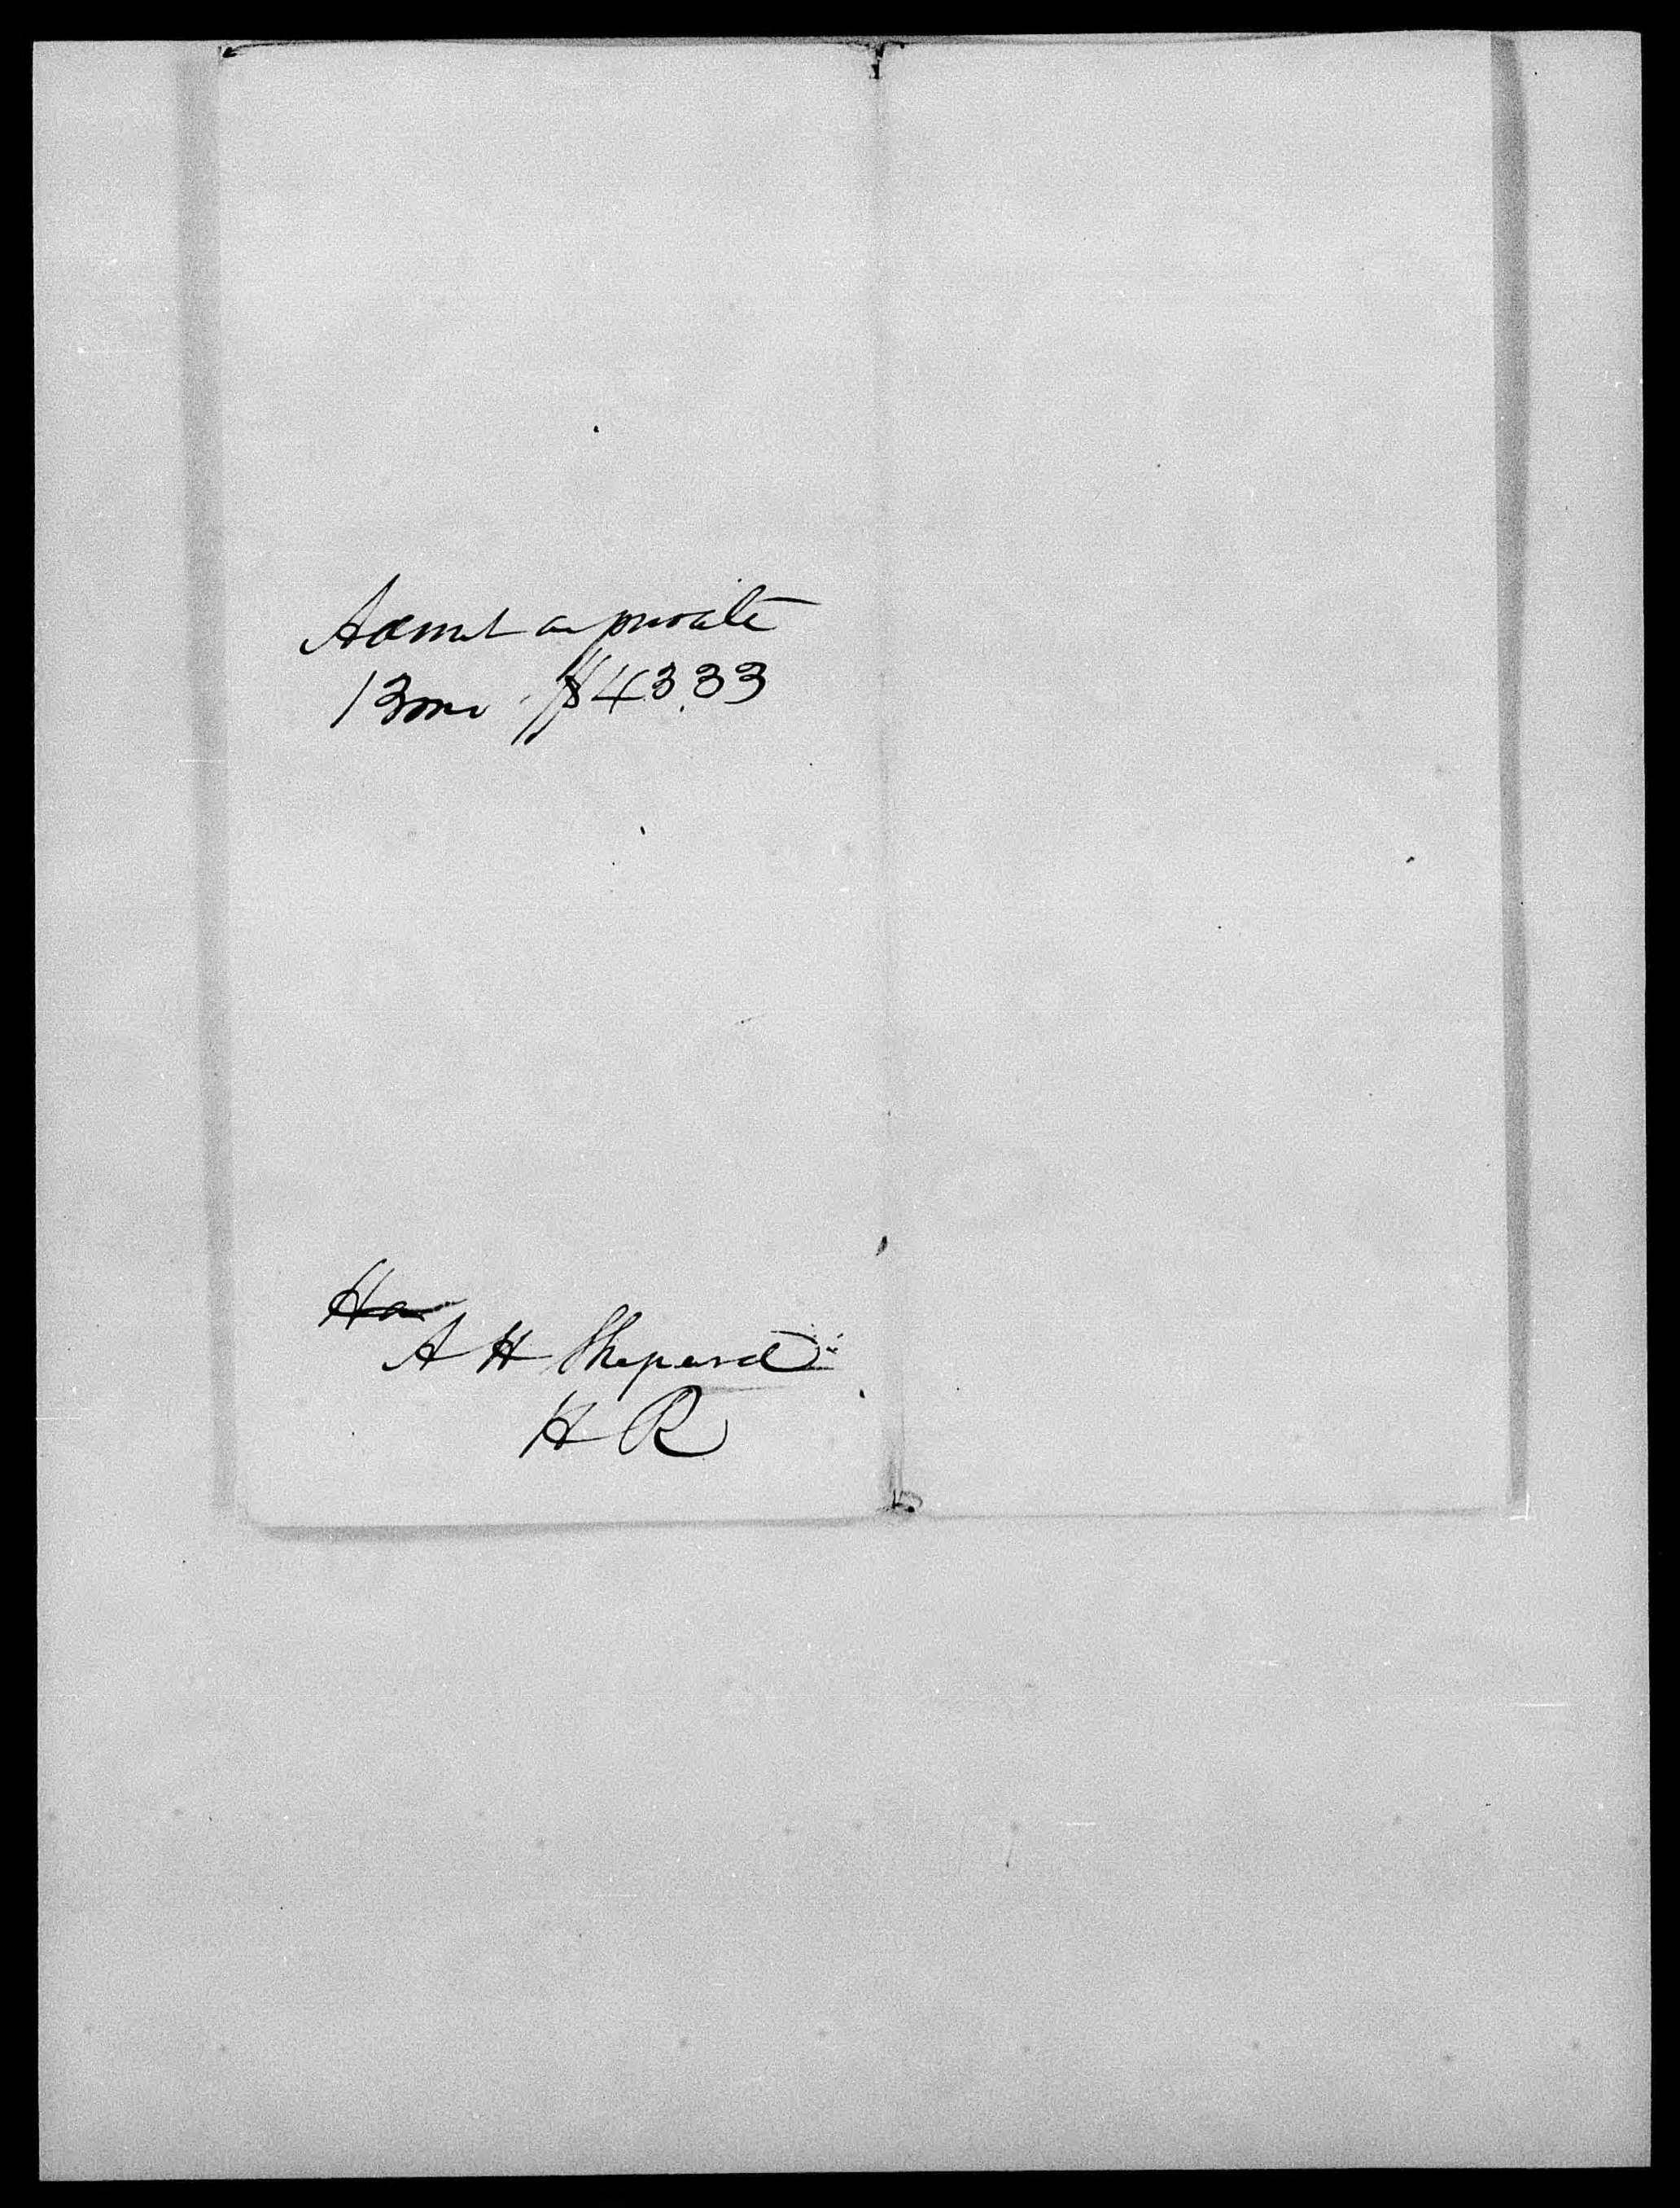Illegible
Illegible $43.33
A H Shepard
HR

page: 17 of 18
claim: survivor's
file: S. 8,994, for Philip Mason, North Carolina